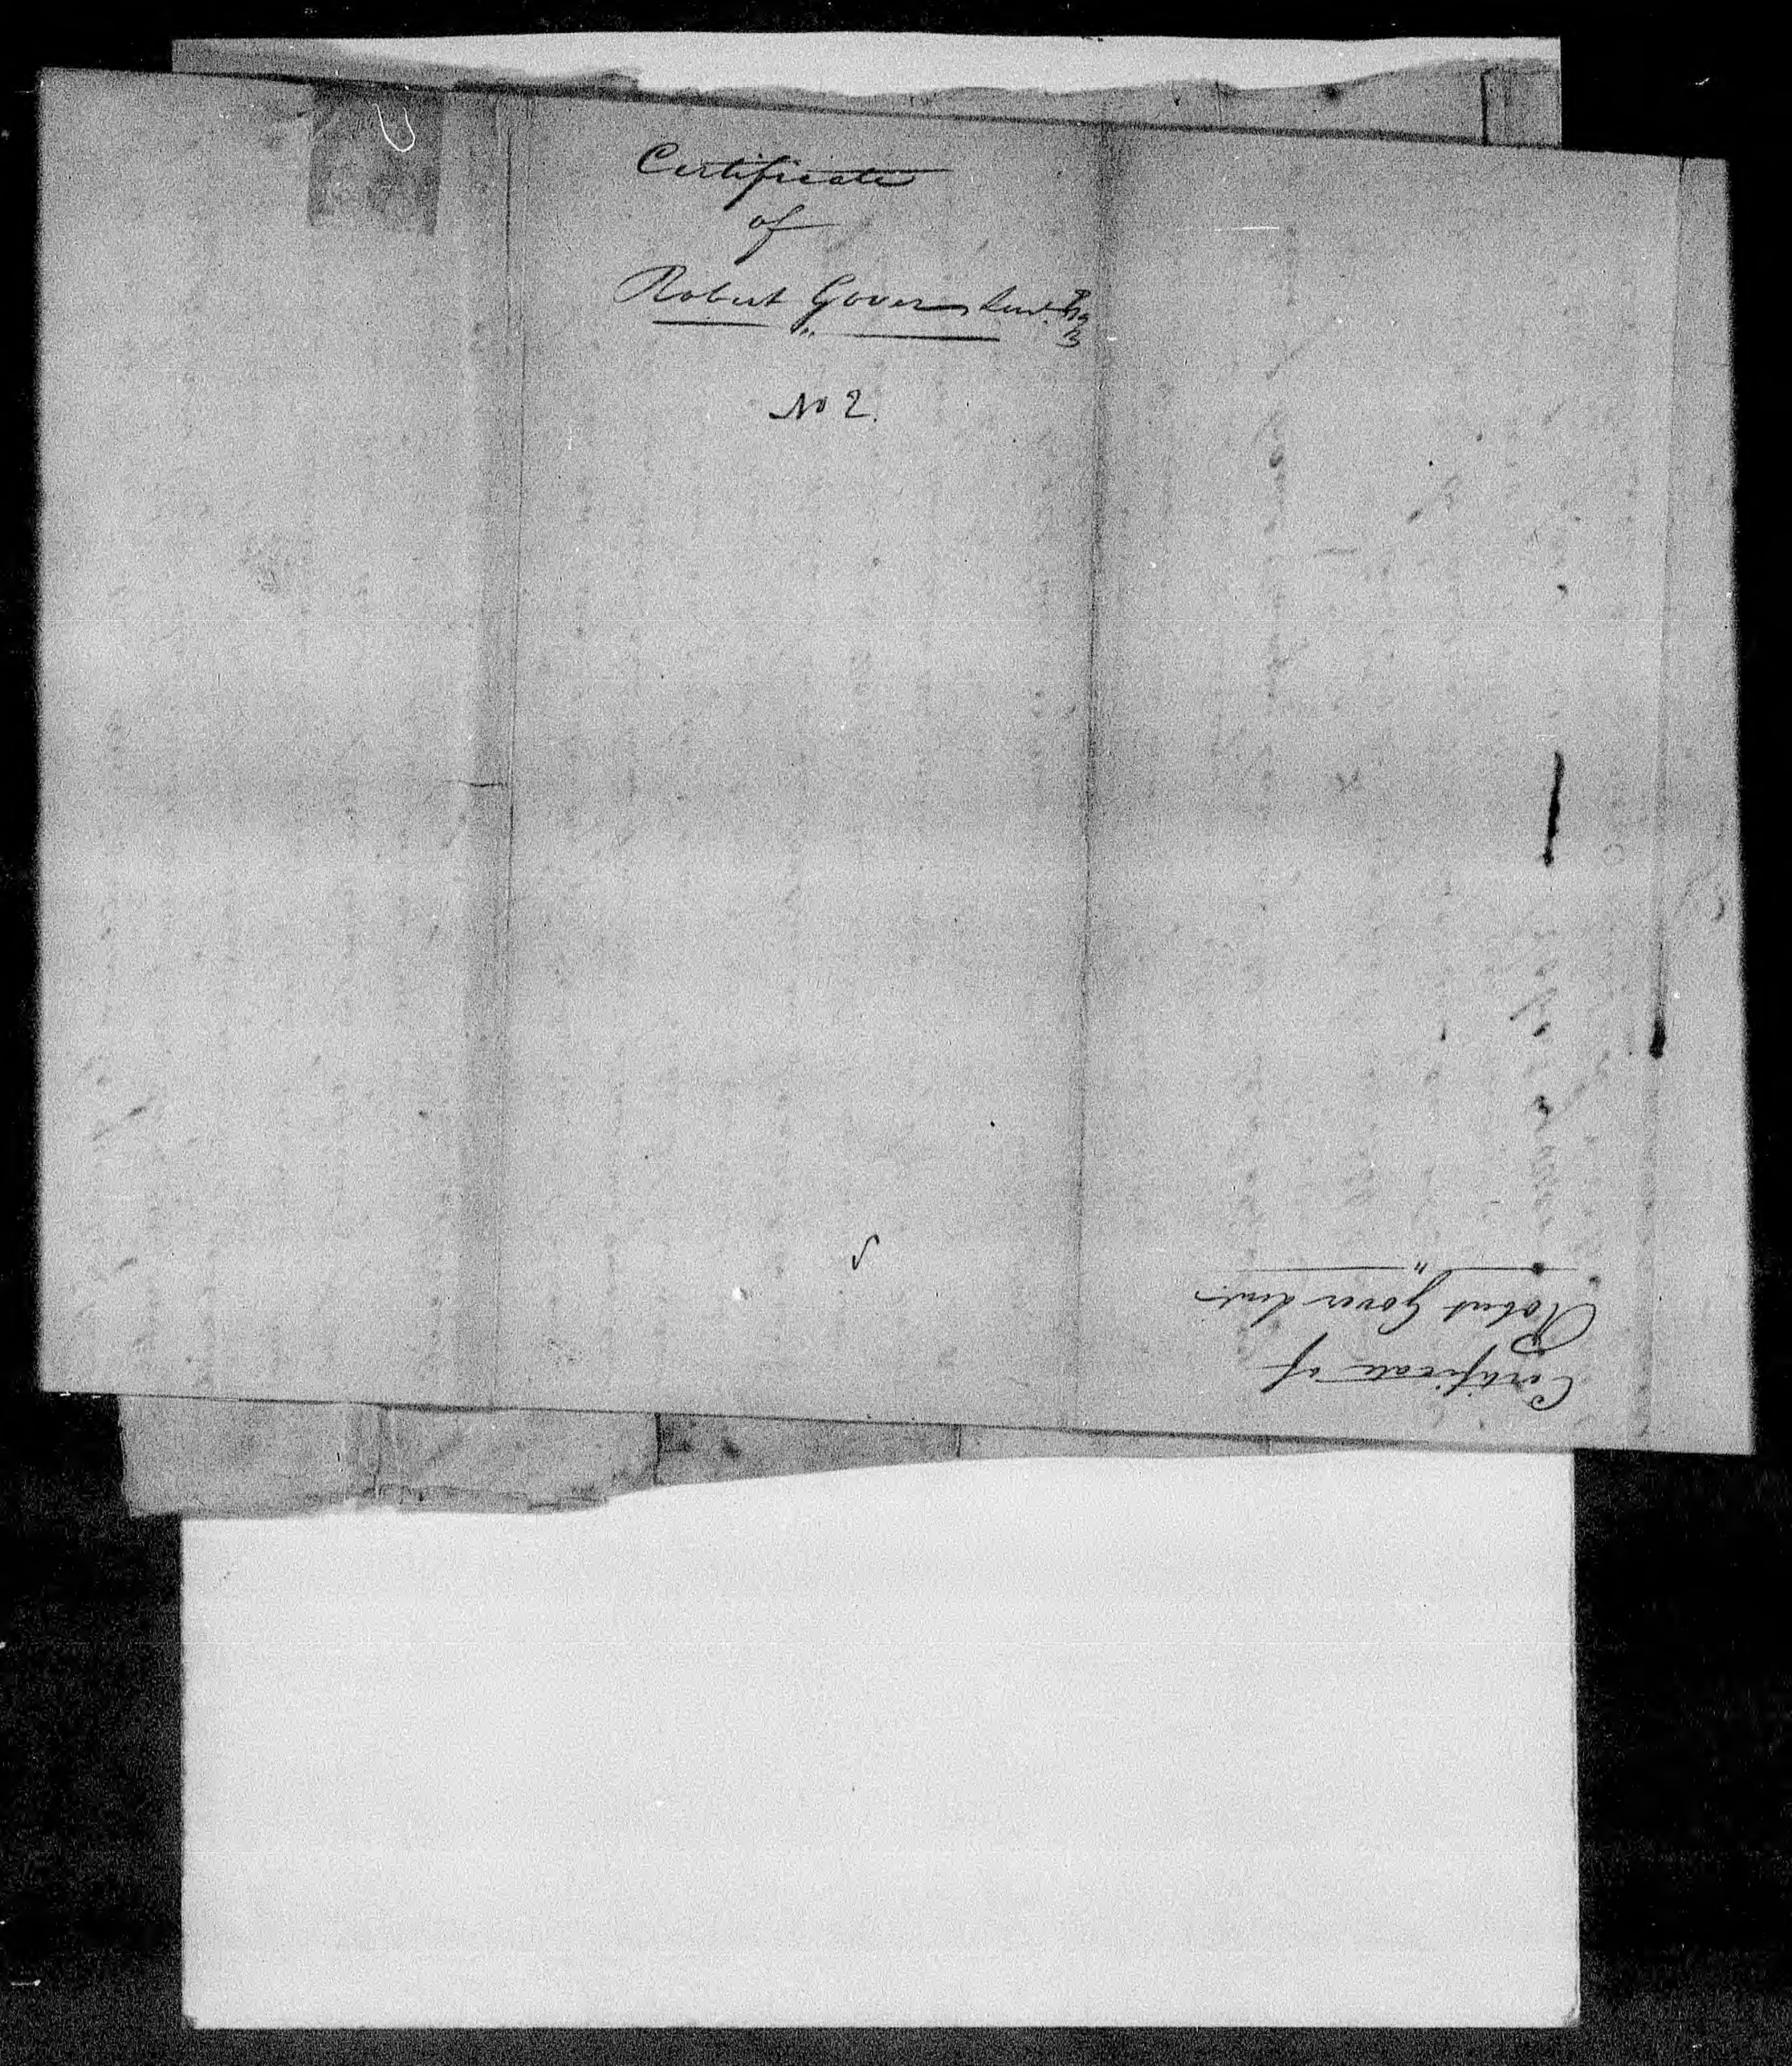Certificate
of
Robert Gover Sent. 
No 2.

[written upside down at the bottom of the page: Certificate of
Robert Gover Sent.]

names: Robert Gover, Robert Gover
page: 8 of 59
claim: widow's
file: W. 9383, Nathaniel Chew, Navy (Md.)